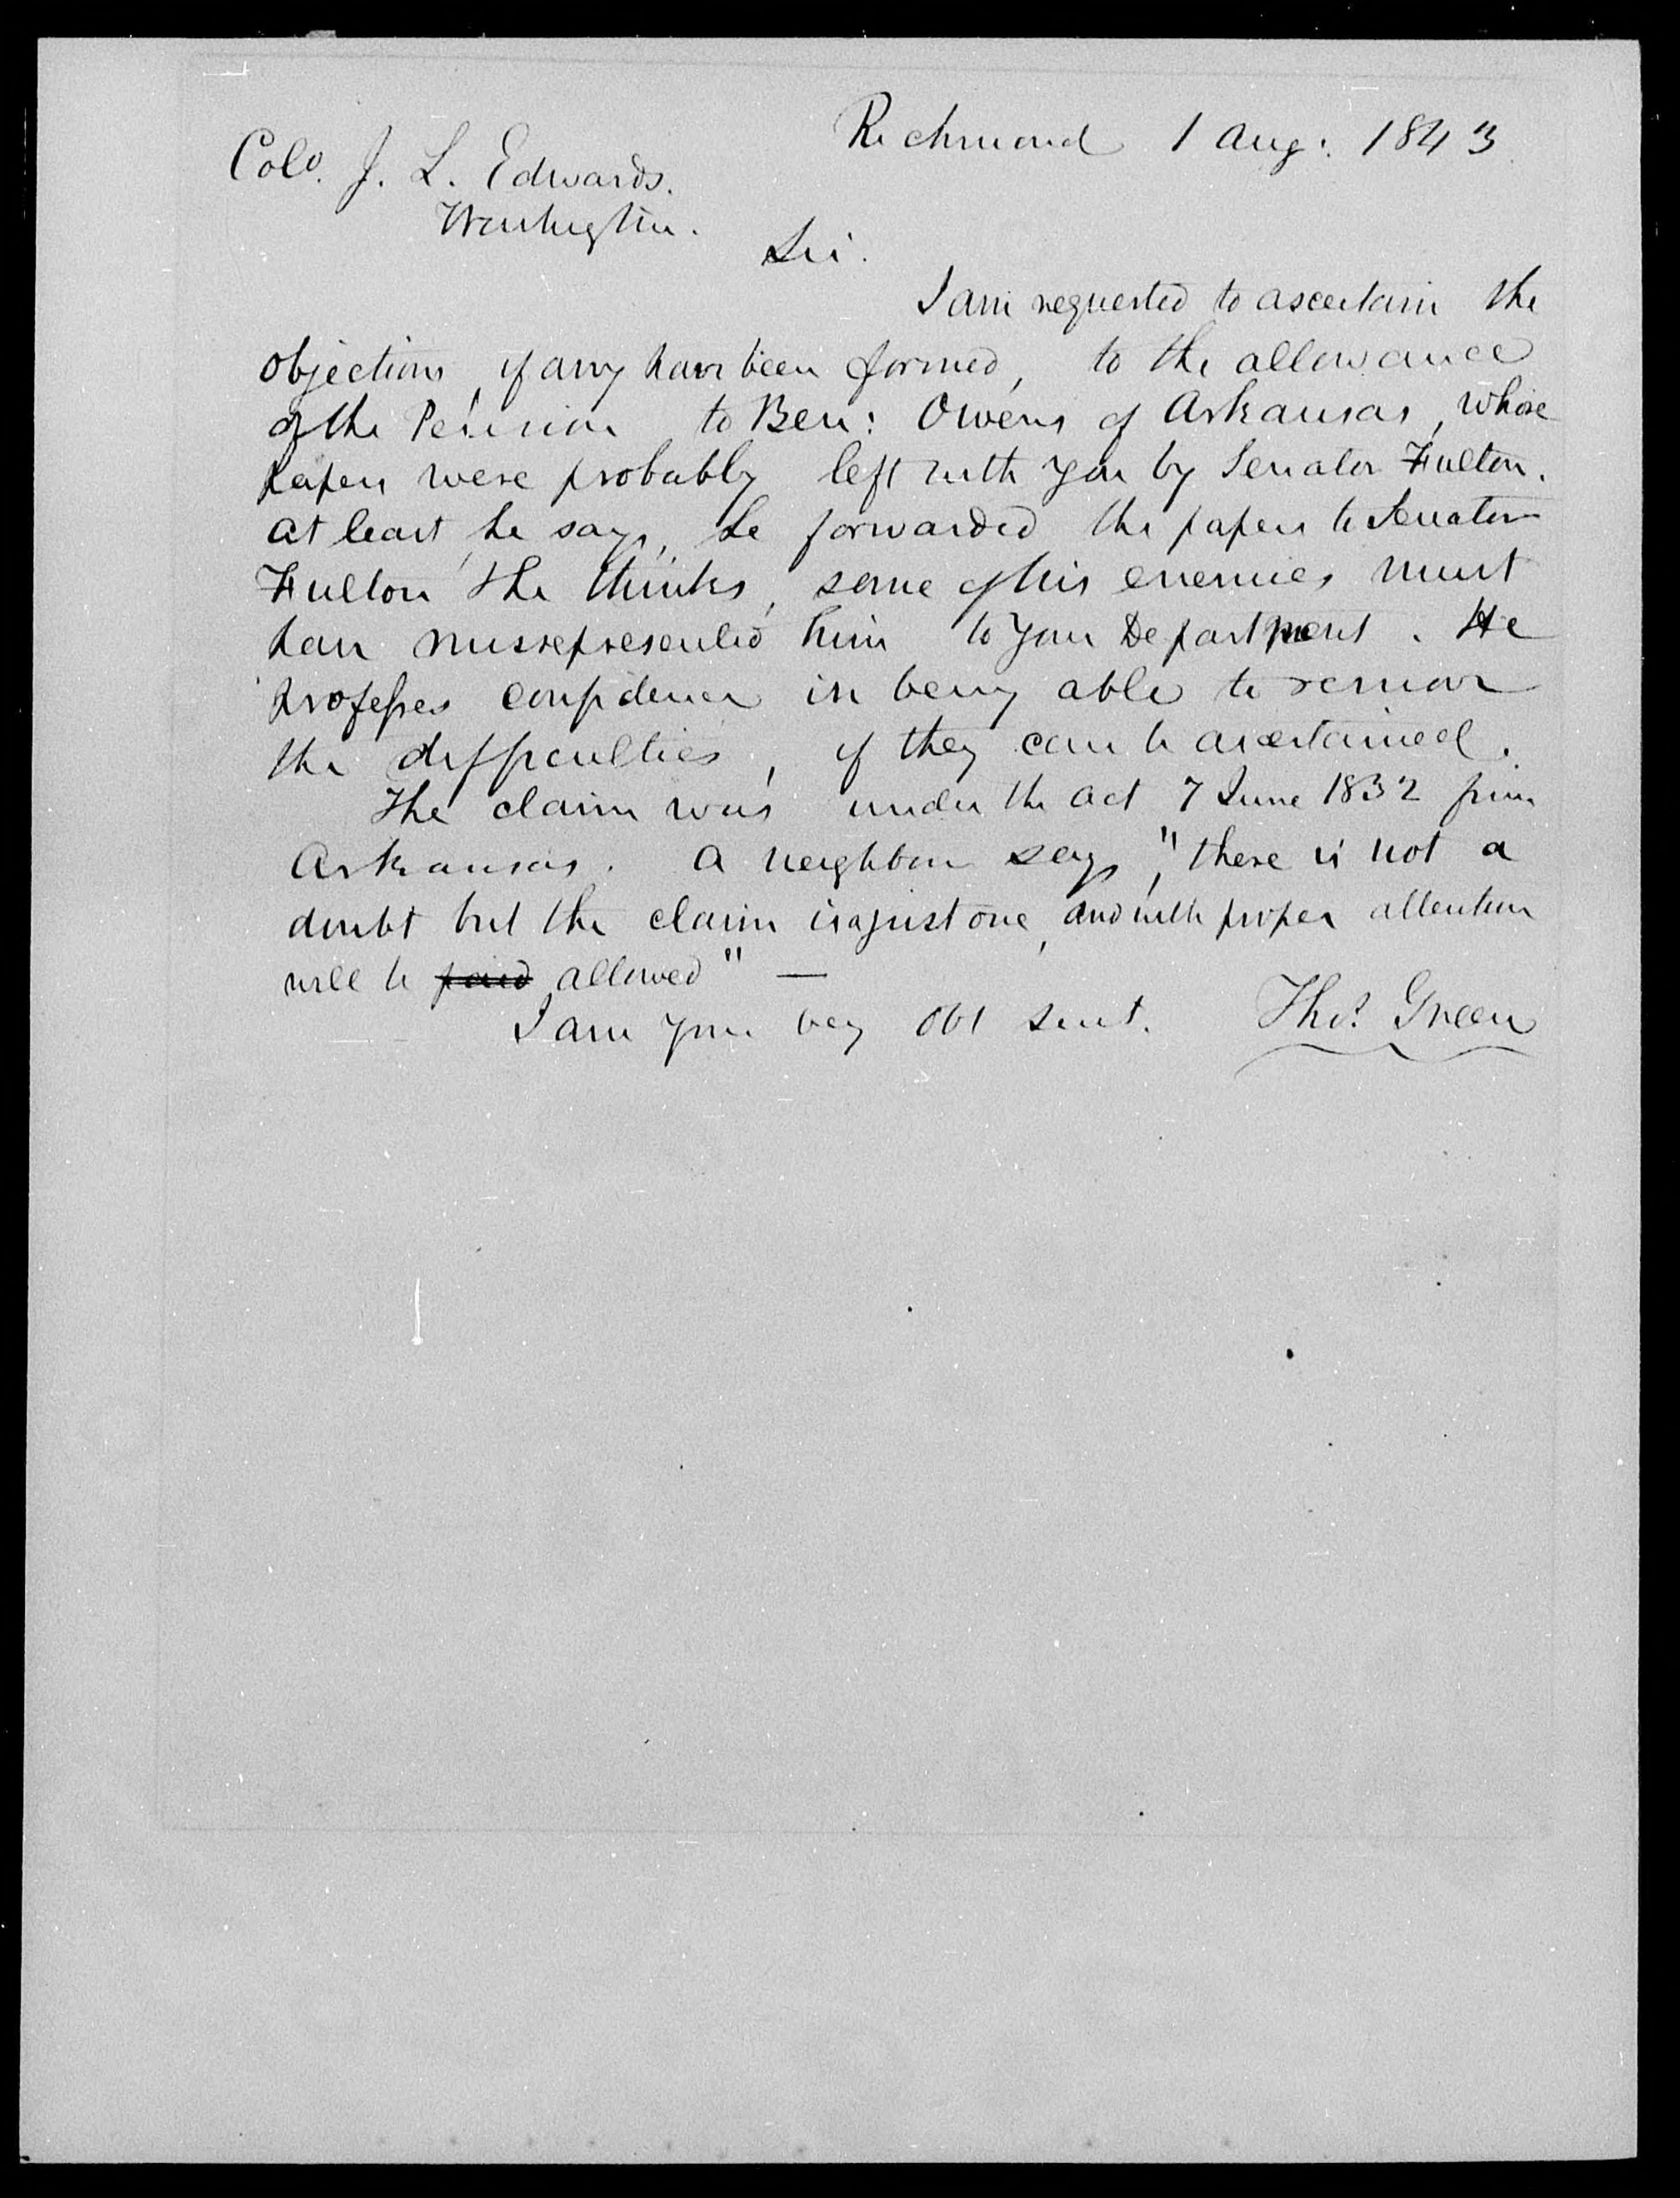Richmond 1 Aug. 1843
Col. J. L. Edwards
Washington
Sir.
I am requested to ascertain the objections, if any have been formed, to the allowance of the Pension to Ben: Owens of Arkansas, whose papers were probably left with you by Senator Fulton, at least he says, he forwarded the papers to Senator Fulton  He thinks some of his enemies must have misrepresented him to your Department. He professes confidence in being able to remove the difficulties, if they can be ascertained
The claim was under the act 7 June 1832 from Arkansas.  A neighbor says, "there is not a doubt but the claim is a just one and with proper attention will be allowed" ---
I am your Very Obt Svnt
Thos Green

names: Ben Owens; Thos Green; J L Edwards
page: 22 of 28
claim: rejected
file: R. 7846, for Benjamin Owens, South Carolina